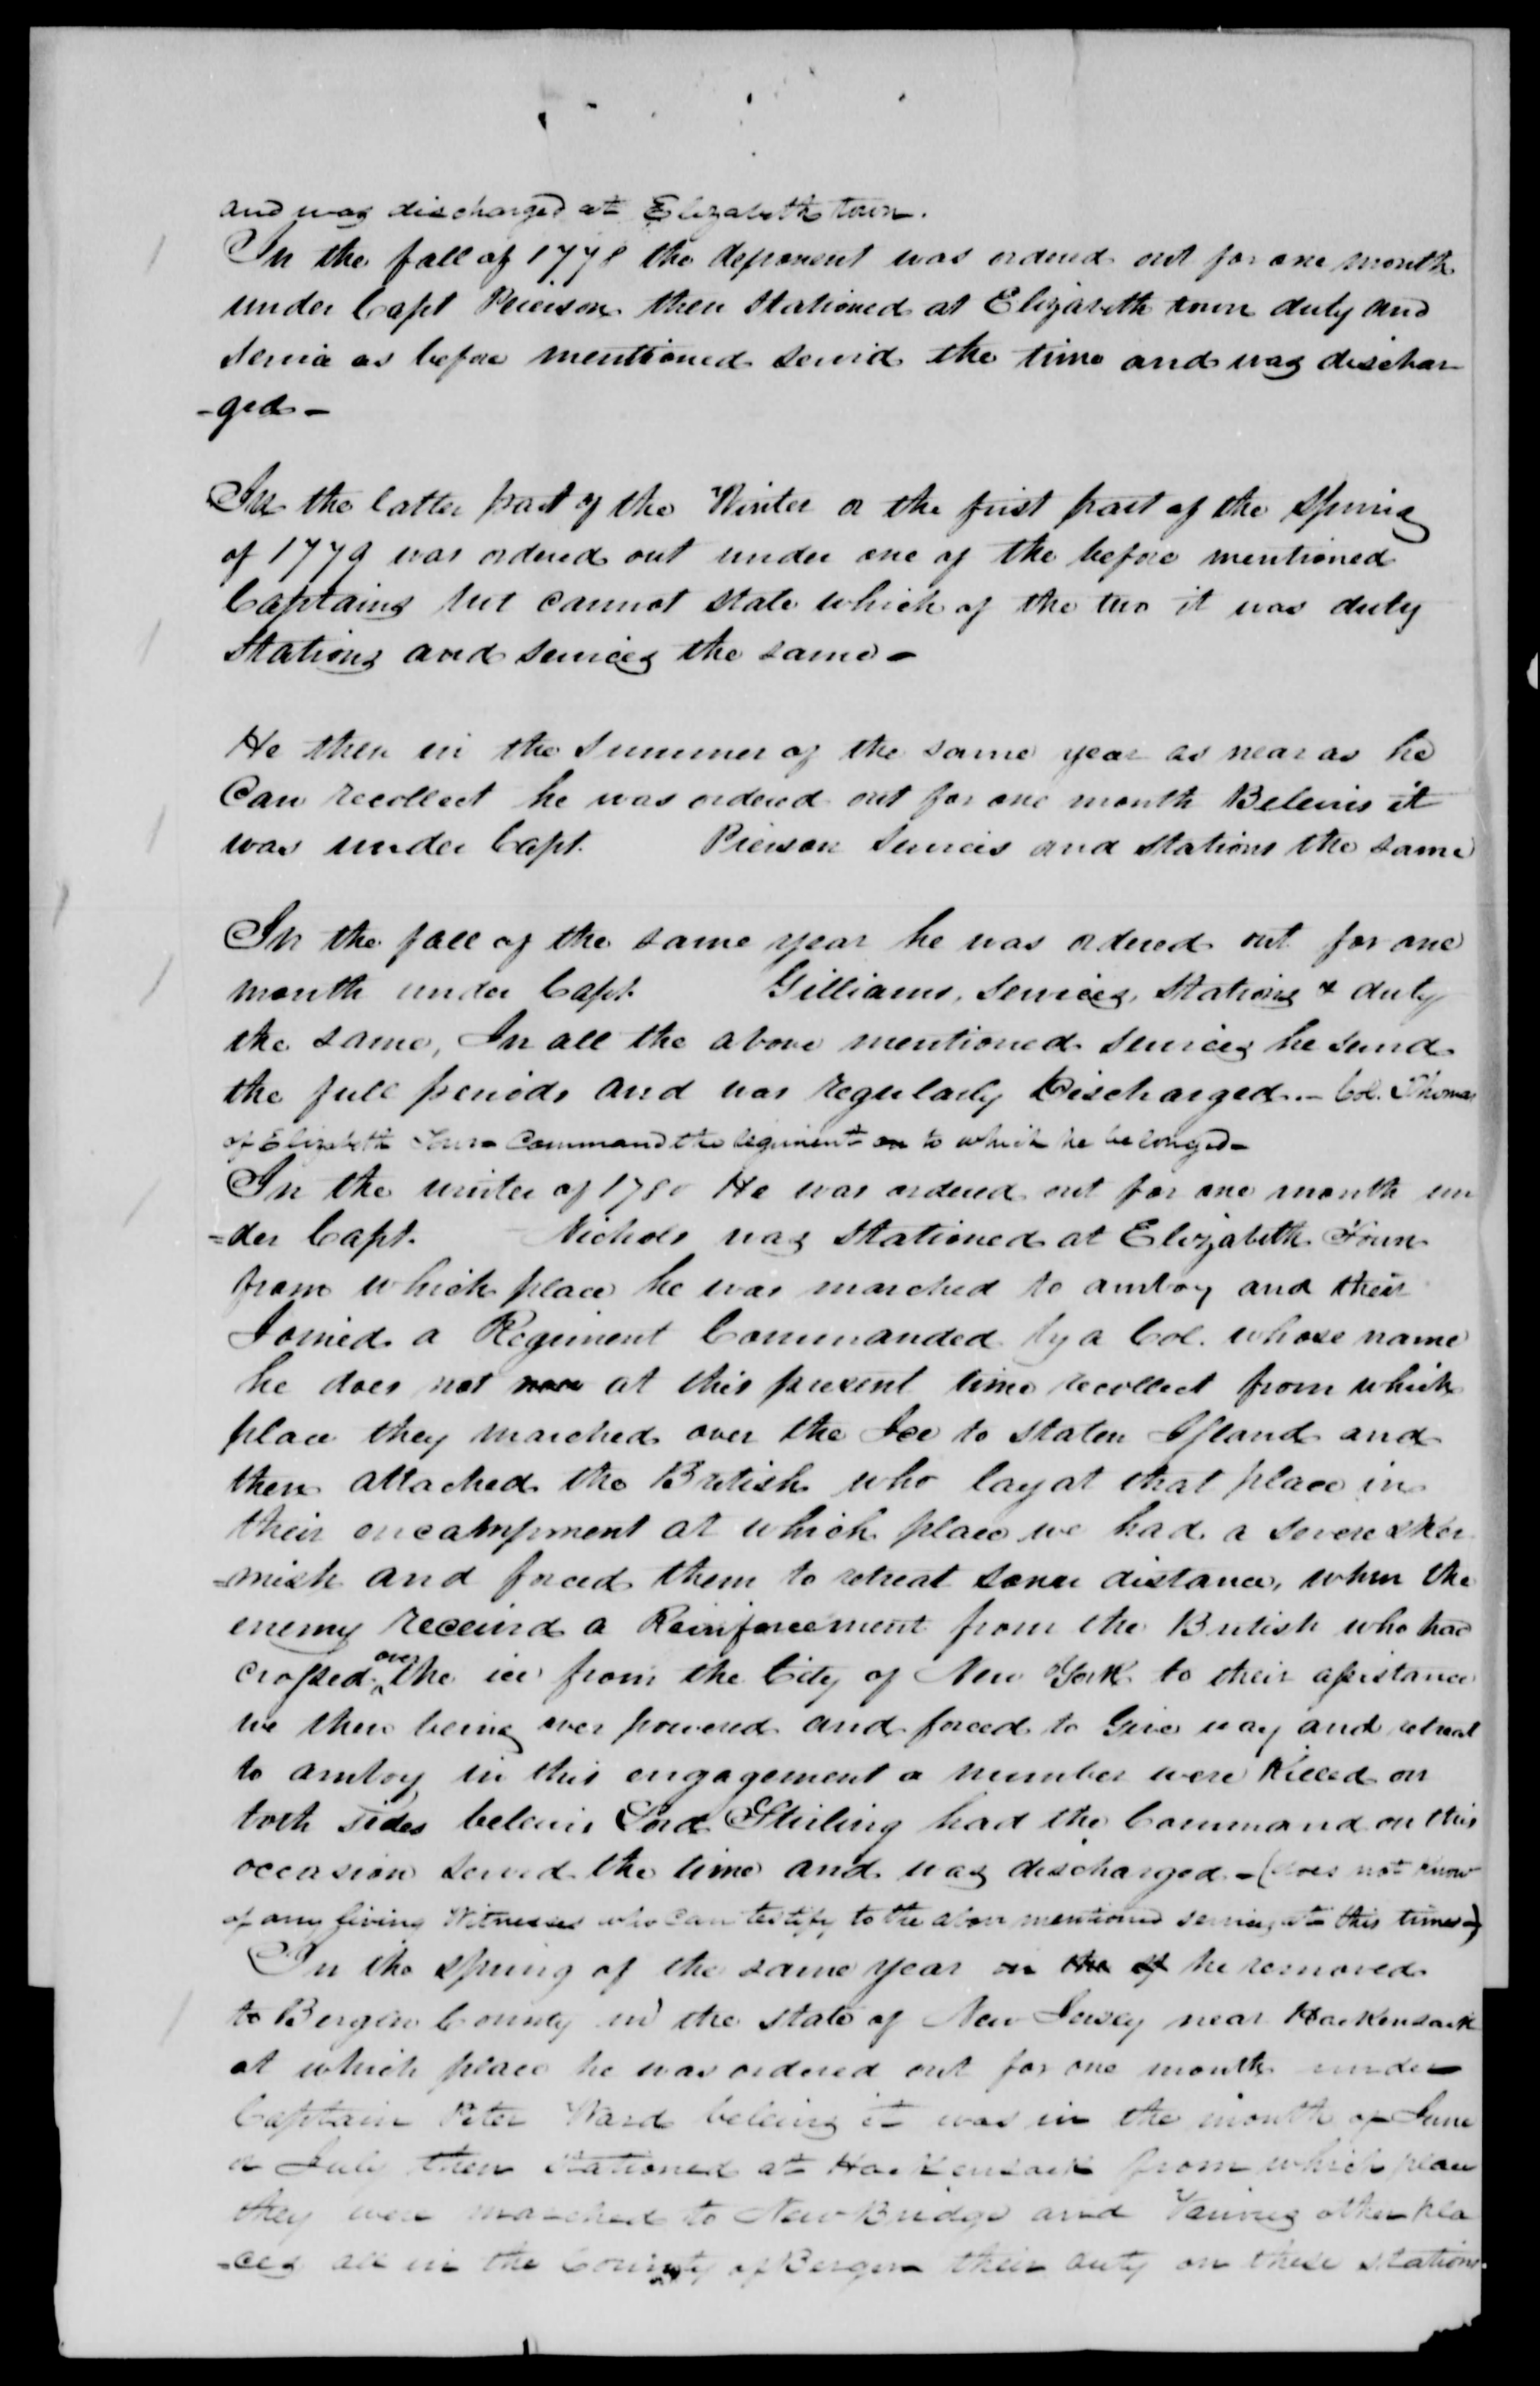and was discharged at Elizabeth town.

In the fall of 1778 the deponent was ordered out for one month under Capt Pierson then stationed at Elizabeth town duty and Service as before mentioned served the time and was discharged-

In the latter part of the Winter or the first part of the spring of 1779 was ordered out under one of the before mentioned Captains but cannot state which of the two it was duty stations and services the same-

He then in the summer of the same year as near as he can recollect he was ordered out for one month believes it was under Capt.
Pierson Services and stations the same

In the fall of the same year he was ordered out for one month under Capt       Gilliams, services, stations & duty the same.  In all the above mentioned services he served the full periods and was regularly discharged. Col. Thomas of Elizabeth Town command the regiment to which he belonged-

In the winter of 1780 he was ordered out for one month under Capt.      Nichols was stationed at Elizabeth Town from which place he was marched to Amboy and then joined a Regiment commanded by a Col. whose name he does not at this present time recollect from which place they marched over the sea to Staten Island and
then attacked the British who lay at that place in
their encampment at which place we had a severe skirmish and forced them to retreat some distance, when the enemy received a reinforcement from the British who had crossed over the sea from the City of New York to their assistance we then being over powered and forced to give way and retreat to Amboy in this engagement a number were killed on both sides believes Lord Stirling had the command on this
occasion served the time and was discharged- (does not know of any living witnesses who can testify to the above mentioned service at this time)-

In the spring of the same year he removed
to Bergen County in the State of New Jersey near Hackensack at which place he was ordered out for one month under Captain Peter Ward believes it was in the month of June or July then stationed at Hackensack from which place they were marched to New Bridge and various other places all in the County of Bergen their duty on these stations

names: [BLANK] Gilliams; [BLANK] Thomas; [BLANK] Peierson; [BLANK] Nichols; [BLANK] Pierson; Peter Ward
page: 23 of 30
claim: survivor's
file: S. 1104, for Simon Simonson, New Jersey